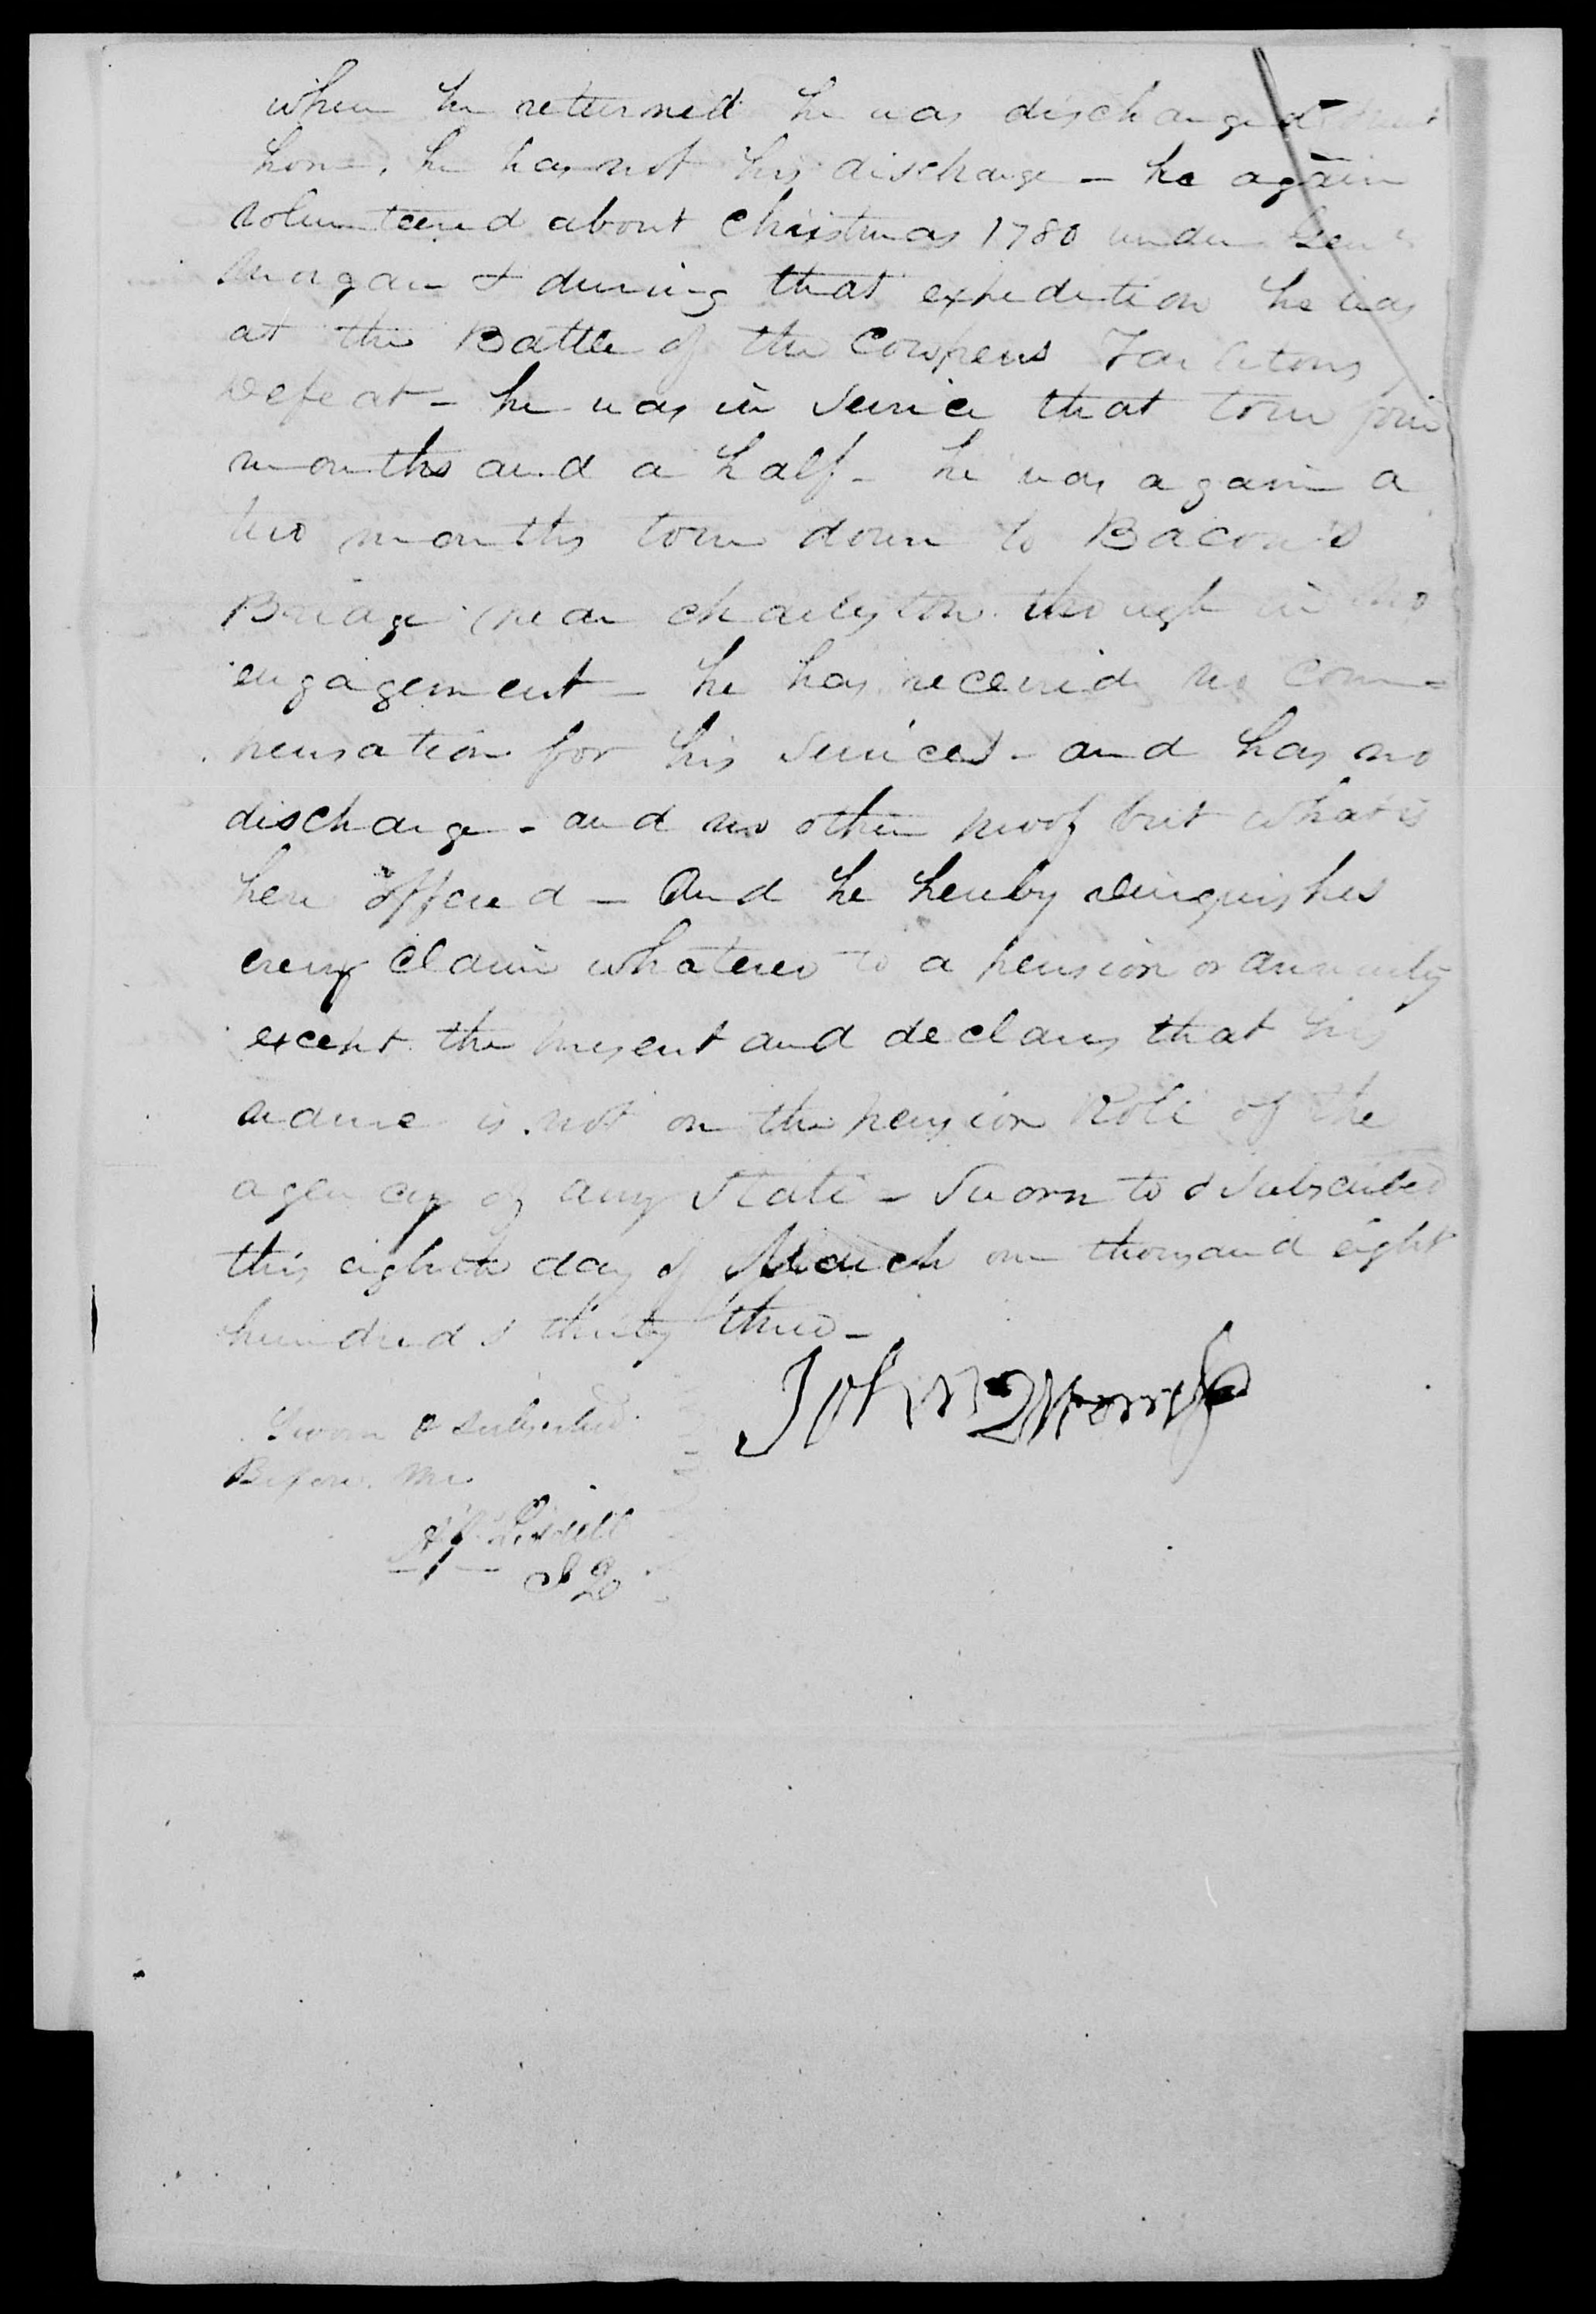when he returned he was discharged & went home, he has not his discharge -- he again volunteered about Christmas 1780 under General [Daniel] Morgan  & during that expedition he was at the Battle of the
Cowpens -- [Colonel Banastre] Tarletons Defeat - he was in service that tour 4 months and a half -- he was again a 2 months tour down to Bacon's Bridge near Charleston though in no engagement -- he has received no compensation for his services -- and has no discharge -- and no other proof but what is here offered -- And he hereby relinquishes every claim whatever to a pension or annuity except the present and declares that his name is not on the pension Roll of the agency of any State S/ John Morriss
Sworn to & Subscribed this eighth day of March one thousand eight
hundred & thirty three-
Sworn & subscribed Before me
AJ Lidell JQ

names: John Morriss; A J Liddell; [BLANK] Morgan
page: 3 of 20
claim: rejected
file: R. 7407, for John Morriss, South Carolina